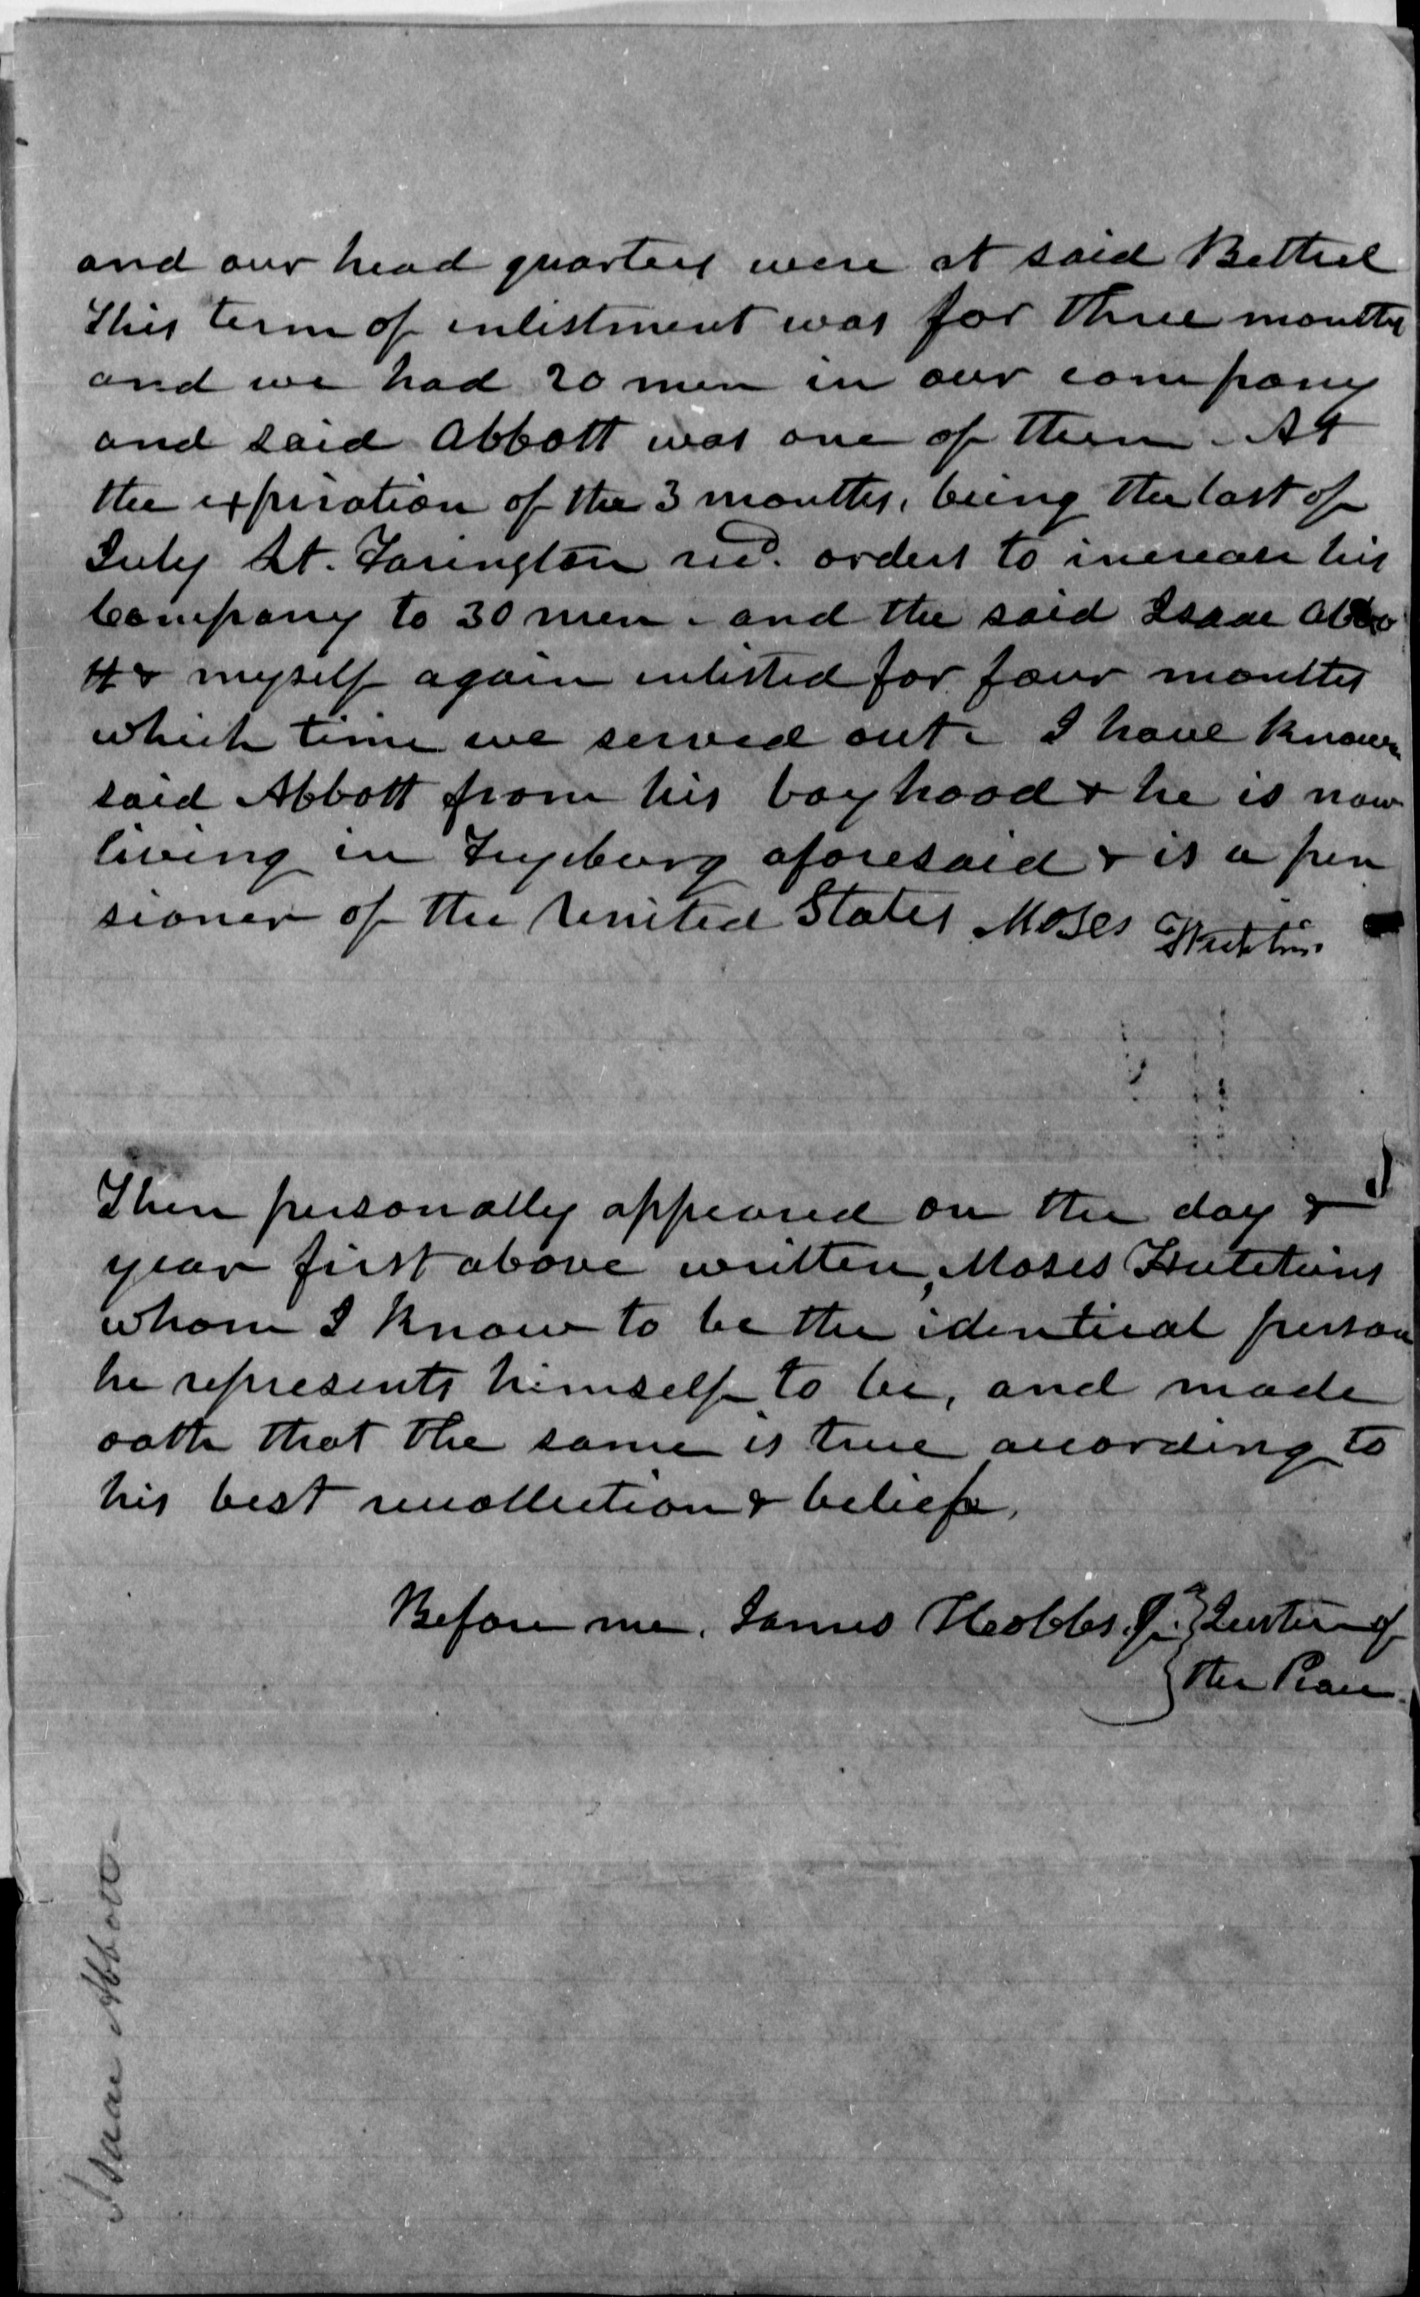...
and out headquarters were at said Bethel.
This term of enlistment was for three months and we had 20 men in our Company and said Abbott was one of them. At the expiration of the 3 months, being the last of July, Lt. Farrington rec'd orders to increase his Company to 30 men, and the said Isaac Abbott + myself enlisted for four months which time we served out. I have known said Abbott from his boyhood + he is now living in Fryeburg aforesaid + is a pensioner of the United States.
[SIGNED: Moses Hutchins]

Then personally appeared on the day + year first above written, Moses Hutchins, whom I know to be the identical person he represents himself to be, and made oath that the same is true according to his best recollection + belief.
Before me.
[SIGNED: James Hobbs Jr.] Justice of the Peace.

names: Moses Hutchins, Isaac Abbott, Abbott, Moses Hutchins, Isaac Abbott, James Hobbs, Abbott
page: 79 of 86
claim: survivor's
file: S 29,568, Isaac Abbot, Mass